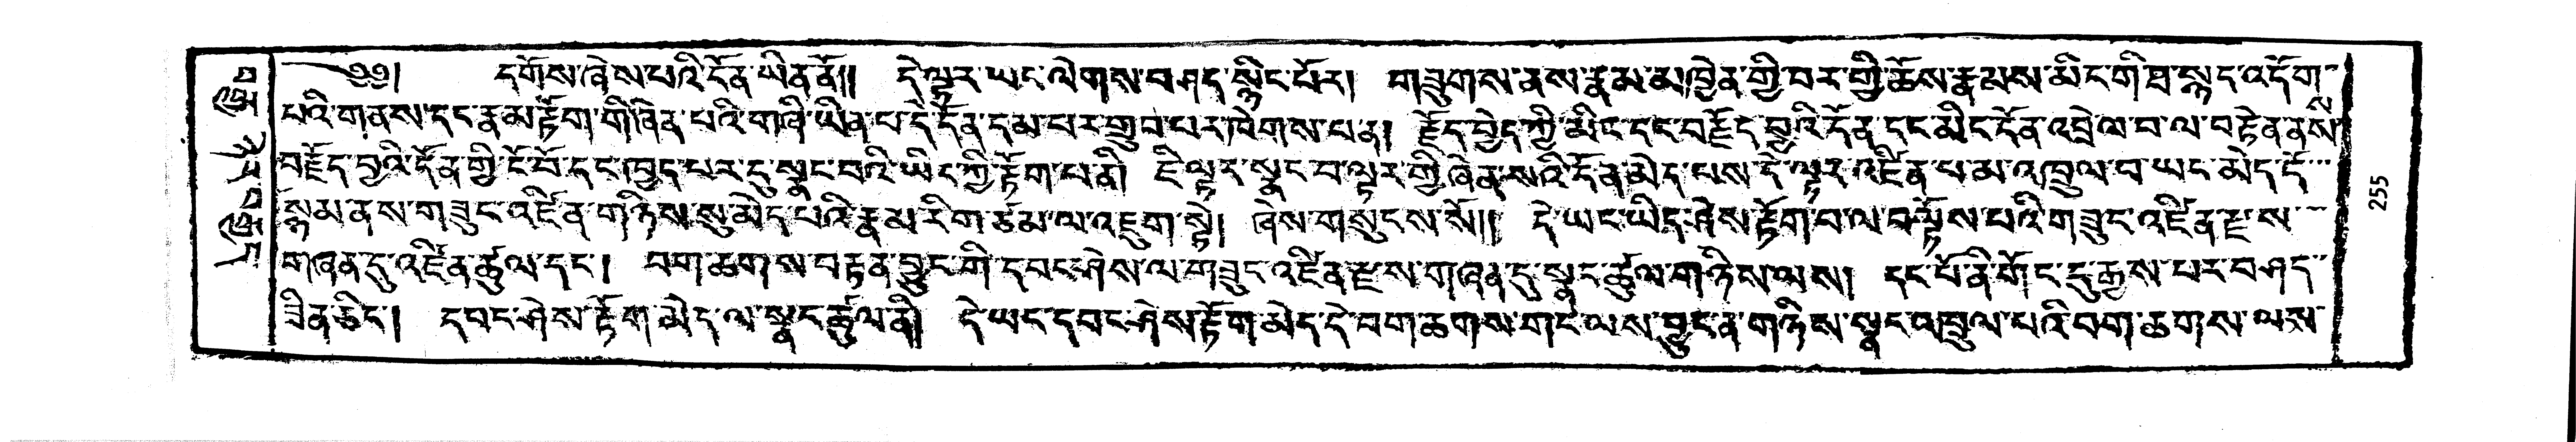༄༅། །དགོས་ཞེས་པའི་དོན་ཡིན་ནོ། །དེ་ལྟར་ཡང་ལེགས་བཤད་སྙིང་པོར། གཟུགས་ནས་རྣམ་མཁྱེན་གྱི་བར་གྱི་ཆོས་རྣམས་མིང་གི་ཐ་སྙད་འདོགས་
པའི་གནས་དང་རྣམ་རྟོག་གི་ཞེན་པའི་གཞི་ཡིན་པ་དེ་དོན་དམ་པར་གྲུབ་པར་ཁེགས་པ་ན། རྗོད་བྱེད་ཀྱི་མིང་དང་བརྗོད་བྱའི་དོན་དང་མིང་དོན་འབྲེལ་བ་ལ་བརྟེན་ནས་
བརྗོད་བྱའི་དོན་གྱི་ངོ་བོ་དང་ཁྱད་པར་དུ་སྣང་བའི་ཡིད་ཀྱི་རྟོག་པ་ནི། ཇི་ལྟར་སྣང་བ་ལྟར་གྱི་ཞེན་སའི་དོན་མེད་པས་དེ་ལྟར་འཛིན་པ་མ་འཁྲུལ་བ་ཡང་མེད་དོ་
སྙམ་ནས་གཟུང་འཛིན་གཉིས་སུ་མེད་པའི་རྣམ་རིག་ཙམ་ལ་འཇུག་སྟེ། ཞེས་གསུངས་སོ། །དེ་ཡང་ཡིད་ཤེས་རྟོག་པ་ལ་བལྟོས་པའི་གཟུང་འཛིན་རྫས་
གཞན་དུ་འཛིན་ཚུལ་དང་། བག་ཆགས་བརྟན་བྱུང་གི་དབང་ཤེས་ལ་གཟུང་འཛིན་རྫས་གཞན་དུ་སྣང་ཚུལ་གཉིས་ལས། དང་པོ་ནི་གོང་དུ་རྒྱས་པར་བཤད་
ཟིན་ཅིང་། དབང་ཤེས་རྟོག་མེད་ལ་སྣང་ཚུལ་ནི། དེ་ཡང་དབང་ཤེས་རྟོག་མེད་དེ་བག་ཆགས་གང་ལས་བྱུང་ན་གཉིས་སྣང་འཁྲུལ་བའི་བག་ཆགས་ལས་